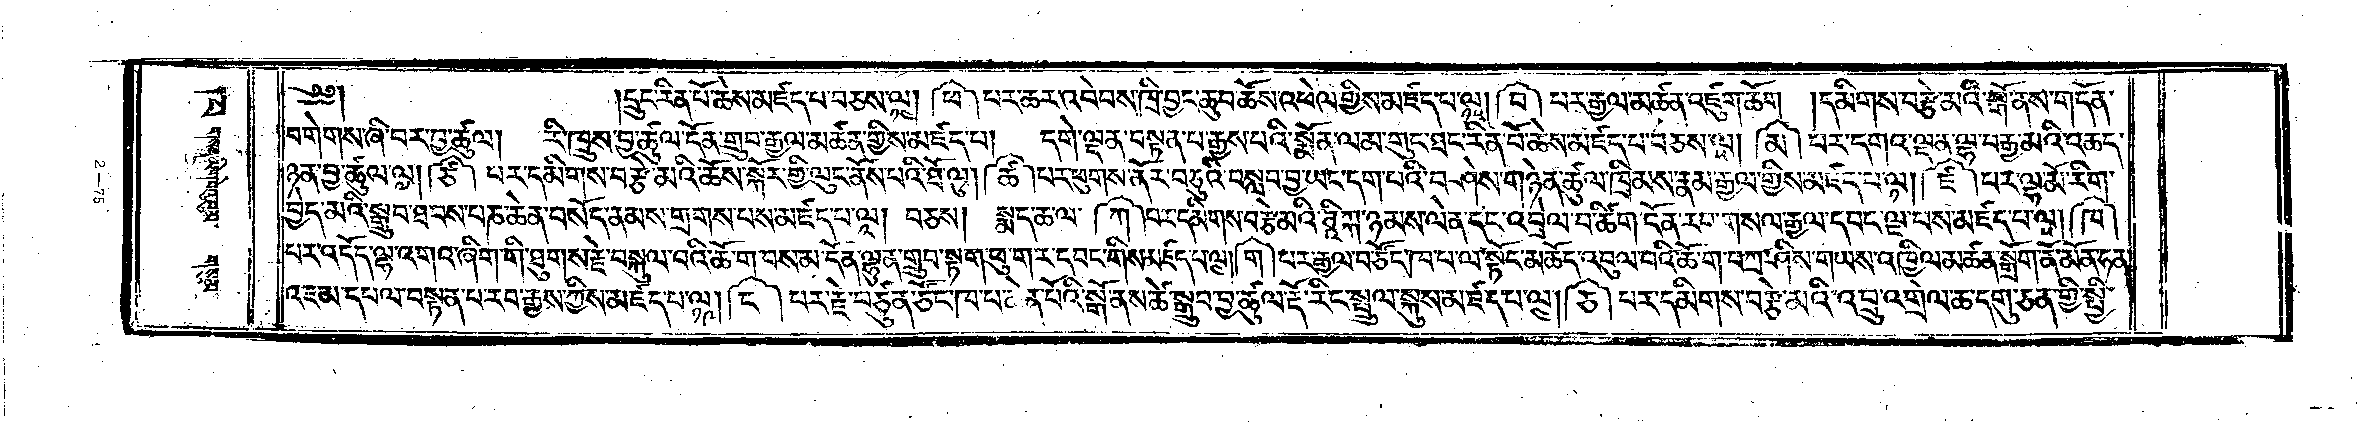༄༅། །དྲུང་རིན་པོ་ཆེས་མཛད་པ་བཅས་ལ། ༼ཕ༽ པར་ཆར་འབེབས་ཁྲི་བྱང་ཆུབ་ཆོས་འཕེལ་གྱིས་མཛད་པ་ལ། ༼བ༽ པར་རྒྱལ་མཚན་འཛུག་ཆོག །དམིགས་བརྩེ་མའི་སྒོ་ནས་གདོན་
བགེགས་ཞི་བར་བྱ་ཚུལ། རི་ཁྲུས་བྱ་ཚུལ་དོན་གྲུབ་རྒྱལ་མཚན་གྱིས་མཛད་པ། དགེ་ལྡན་བསྟན་པ་རྒྱས་པའི་སྨོན་ལམ་གུང་ཐང་རིན་པོ་ཆེས་མཛད་པ་བཅས་ལ། ༼མ༽ པར་དགའ་ལྡན་ལྷ་བརྒྱ་མའི་འཆད་
ཉན་བྱ་ཚུལ་ལ། ༼ཙ༽ པར་དམིགས་བརྩེ་མའི་ཆོས་སྐོར་གྱི་ལུང་ནོས་པའི་ཐོ་ལ། ༼ཚ༽ པར་ཕུགས་ནོར་བཅུའི་བསླབ་བྱ་ཡང་དག་པའི་བཤེས་གཉེན་ཚུལ་ཁྲིམས་རྣམ་རྒྱལ་གྱིས་མཛད་པ་ལ། ༼ཛ༽ པར་ལྷ་མོ་རིག་
བྱེད་མའི་སྒྲུབ་ཐབས་པཎ་ཆེན་བསོད་ནམས་གྲགས་པས་མཛད་པ་ལ། བཅས། སྨད་ཆ་ལ ༼ཀ༽ པར་དམིགས་བརྩེ་མའི་ཊཱིཀྐ་ཉམས་ལེན་དང་འབྲེལ་བ་ཚིག་དོན་རབ་གསལ་རྒྱལ་དབང་ལྔ་པས་མཛད་པ་ལ། ༼ཁ༽
པར་འདོད་ལྷ་འགའ་ཞིག་གི་ཐུགས་རྗེ་བསྐུལ་བའི་ཆོ་ག་བསམ་དོན་ལྷུན་གྲུབ་སྟག་ཕུ་གར་དབང་གིས་མཛད་པ་ལ། ༼ག༽ པར་རྒྱལ་བ་ཙོང་ཁ་པ་ལ་སྟོང་མཆོད་འབུལ་བའི་ཆོ་ག་བཀྲ་ཤིས་གཡས་འཁྱིལ་མཚན་སྒྲོག་ནོ་མོན་ཧན་
འཇམ་དཔལ་བསྟན་པ་རབ་རྒྱས་ཀྱིས་མཛད་པ་ལ། ༼ང༽ པར་རྗེ་བཙུན་ཙོང་ཁ་པ་ཆེན་པོའི་སྒོ་ནས་ཚེ་སྒྲུབ་བྱ་ཚུལ་རྡོ་རིང་སྤྲུལ་སྐུས་མཛད་པ་ལ། ༼ཅ༽ པར་དམིགས་བརྩེ་མའི་འབྲུ་འགྲེལ་ཆ་དགུ་ཅན་གྱི་སྤྱི་